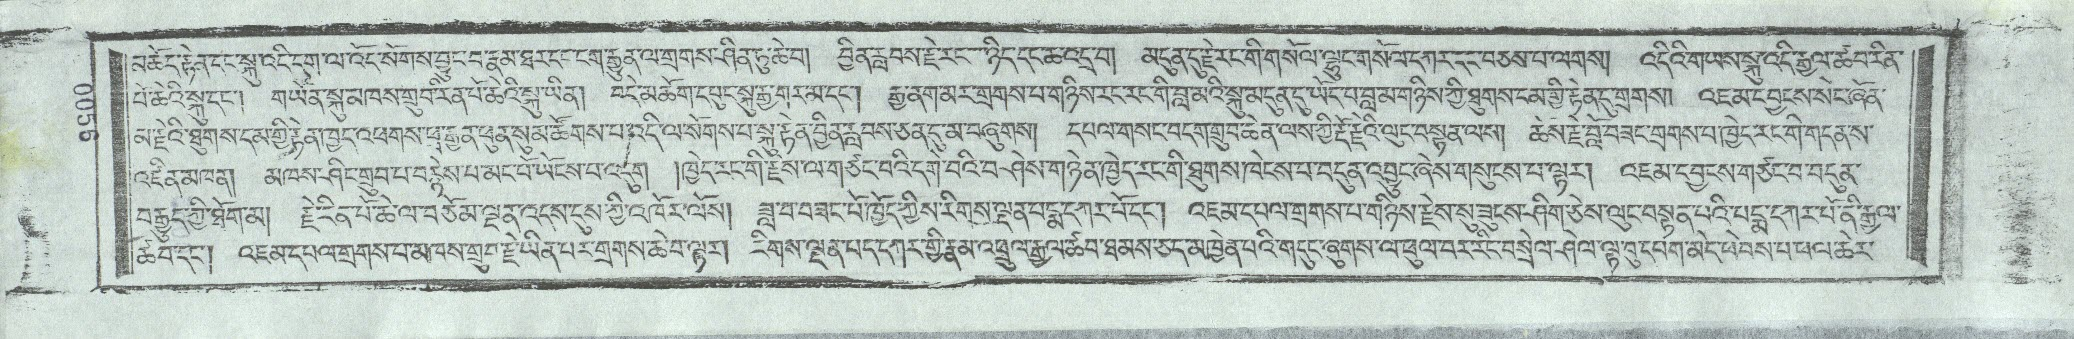མཆོད་རྟེན་དང་སྐུ་འདི་དག་ལ་འོད་སོགས་བྱུང་བ་རྣམ་ཐར་དང་ངག་རྒྱུན་ལ་གྲགས་ཤིན་ཏུ་ཆེ་བ། བྱིན་རླབས་རྗེ་རང་ཉིད་དང་ཆ་འདྲ་བ། མདུན་དུ་རྗེ་རང་གི་གསོལ་ལྷུང་གསོལ་དཀར་དང་བཅས་པ་ལགས། འདིའི་གཡས་སྐུ་འདི་རྒྱལ་ཚབ་རིན་
པོ་ཆེའི་སྐུ་དང་། གཡོན་སྐུ་མཁས་གྲུབ་རིན་པོ་ཆེའི་སྐུ་ཡིན། བདེ་མཚག་དཔུང་སྐུ་རྒྱ་གར་མ་དང་། རྒྱ་ནག་མར་གྲགས་པ་གཉིས་རང་རང་གི་བླ་མའི་སྐུ་མདུན་དུ་ཡོད་པ་བླ་མ་གཉིས་ཀྱི་ཐུགས་དམ་གྱི་རྟེན་དུ་གྲགས། འཇམ་དབྱངས་སེང་ཞོན་
མ་རྗེའི་ཐུགས་དམ་གྱི་རྟེན་ཁྱད་འཕགས་ཕྲ་རྒྱན་ཕུན་སུམ་ཚོགས་པ་འདི་ལ་སོགས་པ་སྐུ་རྟེན་བྱིན་རླབས་ཅན་དུ་མ་བཞུགས། དཔལ་གསང་བདག་གྲུབ་ཆེན་ལས་ཀྱི་རྡོ་རྗེའི་ལུང་བསྟན་ལས། ཆེས་རྗེ་བློ་བཟང་གྲགས་པ་ཁྱེད་རང་གི་གདན་ས་
འཛིན་མཁན། མཁས་ཤིང་གྲུབ་པ་བརྙེས་པ་མང་པོ་ཡོངས་བ་འདུག །ཁྱེད་རང་གི་རྗེས་ལ་གཙང་བའི་དགེ་བའི་བཤེས་གཉེན་ཁྱེད་རང་གི་ཐུགས་ཁེངས་བ་བདུན་འབྱུང་ཞེས་གསུངས་པ་ལྟར། འཇམ་དབྱངས་གཙང་བ་བདུན་
འཛིན་མཁན། མཁས་ཤིང་གྲུབ་པ་བརྙེས་པ་མང་པོ་ཡོངས་པ་འདུག །ཁྱེད་རང་གི་རྗས་ལ་གཙང་བའི་དགེ་བའི་བཤེས་གཉེན་ཁྱེད་རང་གི་ཐུགས་ཁེངས་བ་བདུན་འབྱུང་ཞེས་གསུངས་པ་ལྟར། འཇམ་དབྱངས་གཙང་བ་བདུན་
བརྒྱུད་ཀྱི་ཐོག་མ། རྗེ་རིན་པོ་ཆེ་ལ་བཅོམ་ལྡན་འདས་དུས་ཀྱི་འཁོར་ལོས། ཟླ་བ་བཟང་པོ་ཁྱོད་ཀྱིས་རིགས་ལྡན་པདམ་དཀར་པོ་དང་། འཇམ་དཔལ་གྲགས་པ་གཉིས་རྗེས་སུ་ཟུངས་ཤིག་ཅེས་ལུང་བསྟན་པའི་པདམ་དཀར་པོ་ནི་རྒྱལ་
ཚབ་དང་། འཇམ་དཔལ་གྲགས་པ་མཁས་གྲུབ་རྗེ་ཡིན་པར་གྲགས་ཆེ་བ་ལྟར། རིགས་ལྡན་པད་དཀར་གྱི་རྣམ་འཕྲུལ་རྒྱལ་ཚབ་ཐམས་ཅད་མཁྱེན་པའི་གདུང་ཞུགས་ལ་ཕུལ་བར་རིང་བསྲེལ་ཤེལ་ལྟ་བུ་དཔག་མེད་ཕེབས་པ་ཕལ་ཆེར་